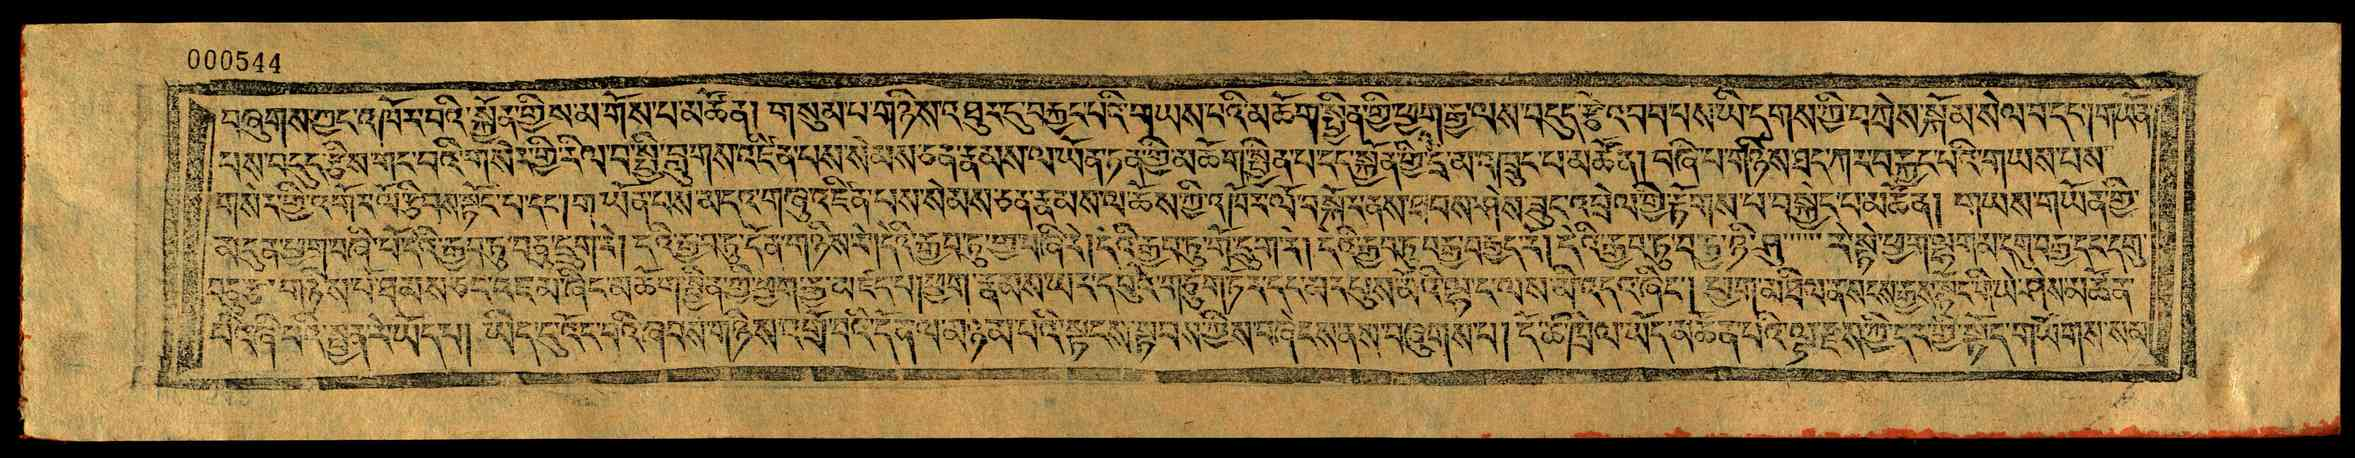བཞུགས་ཀྱང་འཁོར་བའི་སྐྱོན་གྱིས་མ་གོས་པ་མཚོན། གསུམ་པ་གཉིས་འཐུར་དུ་བརྐྱང་པའི་གཡས་པའི་མཆོག་སྤྱིན་གྱི་ཕྱག་རྒྱ་ལས་བདུད་རྩི་འབབ་པས་ཡི་དྭགས་ཀྱི་བཀྲེས་སྐོམ་སེལ་བ་དང་། གཡོན་
པས་བདུད་རྩིས་གང་བའི་གསེར་གྱི་རིལ་བ་སྤྱི་བླུགས་འཛིན་པས་སེམས་ཅན་རྣམས་ལ་ཡོན་ཏན་གྱི་མཆོག་སྦྱིན་པ་དང་སྐྱོན་གྱི་དྲི་མ་འཁྲུང་པ་མཚོན། བཞི་པ་གཉིས་ཐད་ཀར་བརྐྱང་པའི་གཡས་པས་
གསེར་གྱི་འཁོར་ལོ་རྩིབས་སྟོང་པ་དང་། གཡོན་པས་མདའ་གཞུ་འཛིན་པས་སེམས་ཅན་རྣམས་ལ་ཆོས་ཀྱི་འཁོར་ལོ་བསྐོར་ནས་ཐབས་ཤེས་ཟུང་འབྲེལ་གྱི་རྟོགས་པ་བསྐྱེད་པ་མཚོན། གཡས་གཡོན་གྱི་
མདུན་ཕྱག་བཞི་པོ་དེའི་རྒྱབ་ཏུ་བཅུ་དྲུག་རེ། དེའི་རྒྱབ་ཏུ་དོན་གཉིས་རེ། དེའི་རྒྱབ་ཏུ་གྱ་བཞི་རེ། དེའི་རྒྱབ་ཏུ་གོ་དྲུག་རེ། དེའི་རྒྱབ་ཏུ་བརྒྱ་བརྒྱད་རེ། དེའི་རྒྱབ་ཏུ་བརྒྱ་ཉི་ཤུ་རེ་སྟེ་ཕྱག་ལྷག་མ་དགུ་བརྒྱ་དང་དགུ་
བཅུ་རྩ་གཉིས་པོ་ཐམས་ཅད་འཇམ་ཞིང་མཆོག་སྦྱིན་གྱི་ཕྱག་རྒྱ་མཛད་པ། ཕྱག་རྣམས་ཡར་དབུའི་གཙུག་ཏོར་དང་མར་པུས་མོའི་ལྷ་ང་ལས་མི་འདའ་ཞིང་། ཕྱག་མཐིལ་ན་སངས་རྒྱས་སྟོང་གི་ཡེ་ཤེས་མཚོན་
པའི་ཞི་བའི་སྤྱན་རེ་ཡོད་པ། ཡིད་དུ་འོང་བའི་ཞབས་གཉིས་འགྲོ་བའི་དོན་ལ་མཉམ་པའི་སྟངས་སྟབས་ཀྱིས་བཞེད་གནས་བཞུགས་པ། ངོ་ཚ་ཁྲེལ་ཡོད་མཚོན་པའི་ལྷ་རྫས་ཀྱི་དར་གྱི་སྟོད་གཡོགས་སམ་